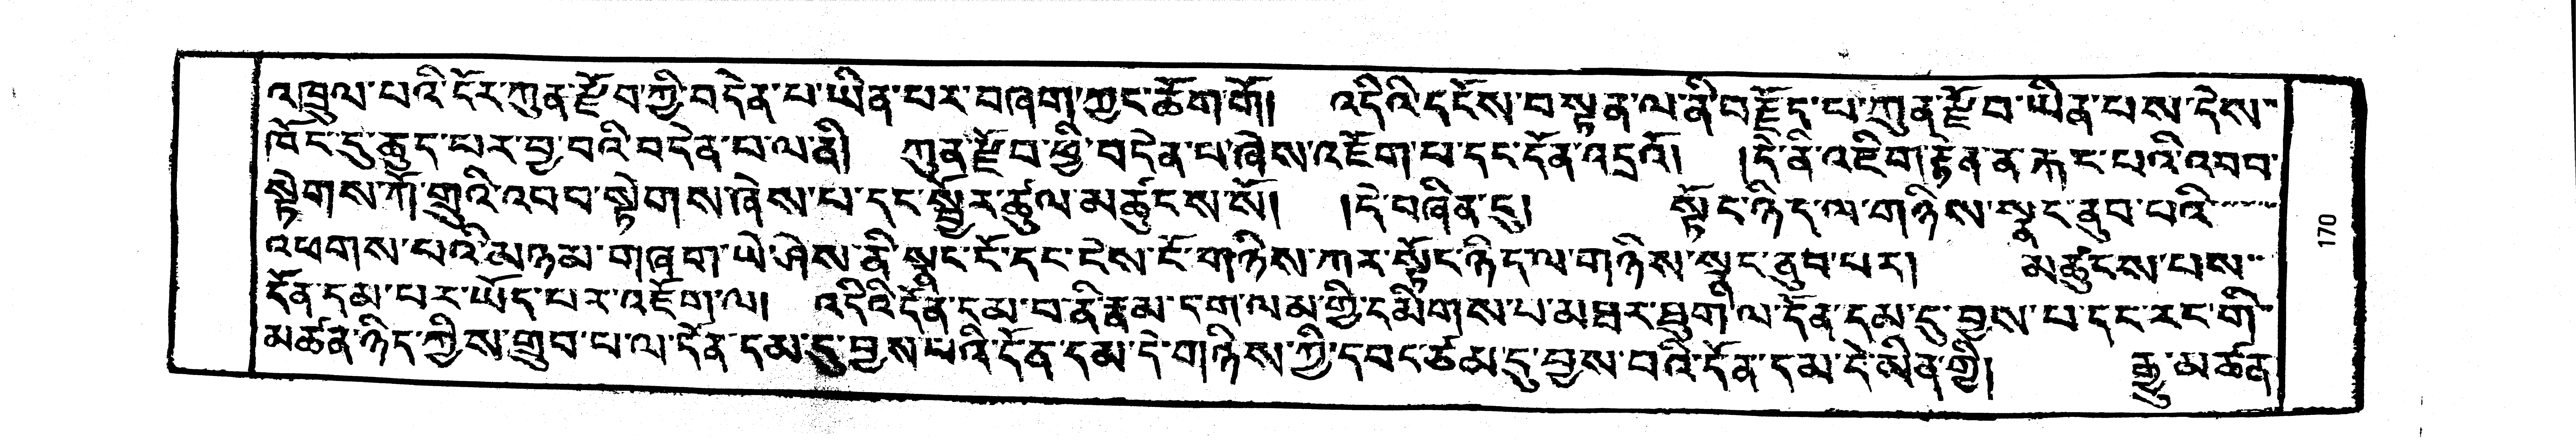འཁྲུལ་པའི་ངོར་ཀུན་རྫོབ་ཀྱི་བདེན་པ་ཡིན་པར་བཞག་ཀྱང་ཆོག་གོ །འདིའི་དངོས་བསྟན་ལ་ནི་བརྗོད་པ་ཀུན་རྫོབ་ཡིན་པས་དེས་
ཁོང་དུ་ཆུད་པར་བྱ་བའི་བདེན་པ་ལ་ནི། ཀུན་རྫོབ་ཕྱི་བདེན་པ་ཞེས་འཇོག་པ་དང་དོན་འདྲའོ། །དེ་ནི་འཇིག་རྟེན་ན་རྐང་པའི་འབབ་
སྟེགས་ཀོ་གྲུའི་འབབ་སྟེགས་ཞེས་པ་དང་སྦྱོར་ཚུལ་མཚུངས་སོ། །དེ་བཞིན་དུ། སྟོང་ཉིད་ལ་གཉིས་སྣང་ནུབ་པའི་
འཕགས་པའི་མཉམ་གཞག་ཡེ་ཤེས་ནི་སྣང་ངོ་དང་ངེས་ངོ་གཉིས་ཀར་སྟོང་ཉིད་ལ་གཉིས་སྣང་ནུབ་པར། མཚུངས་པས་
དོན་དམ་པར་ཡོད་པར་འཇོག་ལ། འདིའི་དོན་དམ་པ་ནི་རྣམ་དག་ལམ་གྱི་དམིགས་པ་མཐར་ཐུག་ལ་དོན་དམ་དུ་བྱས་པ་དང་རང་གི་
མཚན་ཉིད་ཀྱིས་གྲུབ་པ་ལ་དོན་དམ་དུ་བྱས་པའི་དོན་དམ་དེ་གཉིས་ཀྱི་དབང་ཙམ་དུ་བྱས་པའི་དོན་དམ་དེ་མིན་གྱི། རྒྱུ་མཚན་